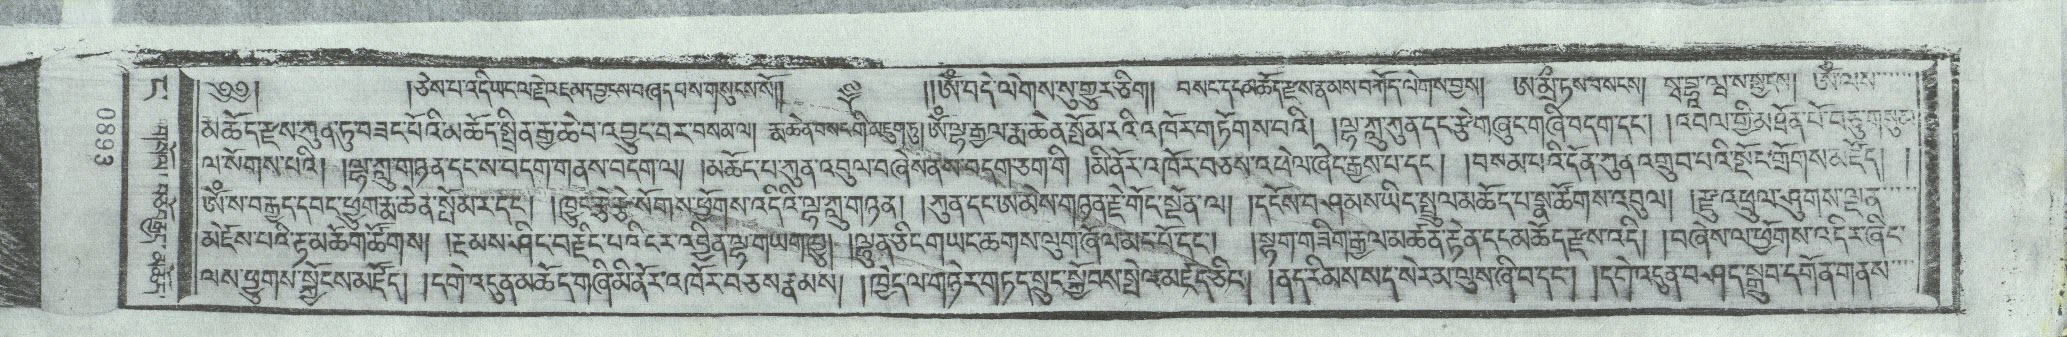༄༅། །ཅེས་པ་འདི་ཡང་ལ་རྗེ་འཇམ་དབྱངས་བཞད་པས་གསུངས་སོ།། ༈ །།ཨོཾ་བདེ་ལེགས་སུ་གྱུར་ཅིག། བསང་དང་མཆོད་རྫས་རྣམས་བཀོད་ལེགས་བྱས། ཨ་མྲྀ་ཏས་བསངས། སྭ་བྷཱ་ཝ་ས་སྦྱངས། ཨོཾ་ལས་
མཆོད་རྫས་ཀུན་ཏུ་བཟང་པོའི་མཆོད་སྤྲིན་རྒྱ་ཆེ་བ་འབྱུང་བར་བསམ་ལ། རྨ་ཆེན་བསང་གི་མཇུག་ཏུ། ཨོཾ་ལྷ་རྒྱལ་རྨ་ཆེན་སྤོམ་རའི་འཁོར་གཏོགས་བའི། །ལྷ་ཀླུ་ཀུན་དང་རྩེ་གཞུང་གཞི་བདག་དང་། །འབལ་གྱི་མཐོན་པོ་བཅུ་གསུམ་
ལ་སོགས་པའི། །ལྷ་ཀླུ་གཉན་དང་ས་བདག་གནས་བདག་ལ། །མཆོད་པ་ཀུན་འབུལ་བཞེས་ནས་བདག་ཅག་གི །མི་ནོར་འཁོར་བཅས་འཕེལ་ཞིང་རྒྱས་པ་དང་། །བསམ་པའི་དོན་ཀུན་འགྲུབ་པའི་སྡོང་གྲོགས་མཛོད། །
ཨོཾ་ས་བརྒྱད་དབང་ཕྱུག་རྨ་ཆེན་སྤོམ་ར་དང་། །ཁྱུང་རྩེ་རྩེ་སོགས་ཕྱོགས་འདིའི་ལྷ་ཀླུ་གཉན། །ཀུན་དང་ཨ་མེས་གཉན་རྗེ་གོང་སྔོན་ལ། །དངོས་བཤམས་ཡིད་སྤྲུལ་མཆོད་པ་སྣ་ཚོགས་འབུལ། །རྫུལ་འཕྲུལ་ཤུགས་ལྡན་
མཛོས་པའི་རྟ་མཆོག་ཚོགས། །རྔམས་ཤིང་བརྗིང་པའི་ངར་འབྱིན་ལྷ་གཡག་ཁྱུ། །ལྷུན་ཅིང་གཡང་ཆགས་ལུགས་ཞོལ་མང་པོ་དང་། །སྟག་གཟིག་རྒྱལ་མཚན་རྟེན་དང་མཆོད་རྫས་འདི། །བཞེས་ལ་ཕྱོགས་འདིར་ཞིང་
ལས་ཕྱུགས་སྐྱོངས་མཛོད། །དགེ་འདུན་མཆོད་གཞི་མི་ནོར་འཁོར་བཅས་རྣམས། །ཁྱེད་ལ་གཉེར་གཏད་སྲུང་སྐྱོབས་སྤེལ་མཛད་ཅིང་། །ནད་རིམས་སད་སེར་མ་ལུས་ཞི་བ་དང་། །དགེ་འདུན་བཤད་སྒྲུབ་དགོན་གནས་